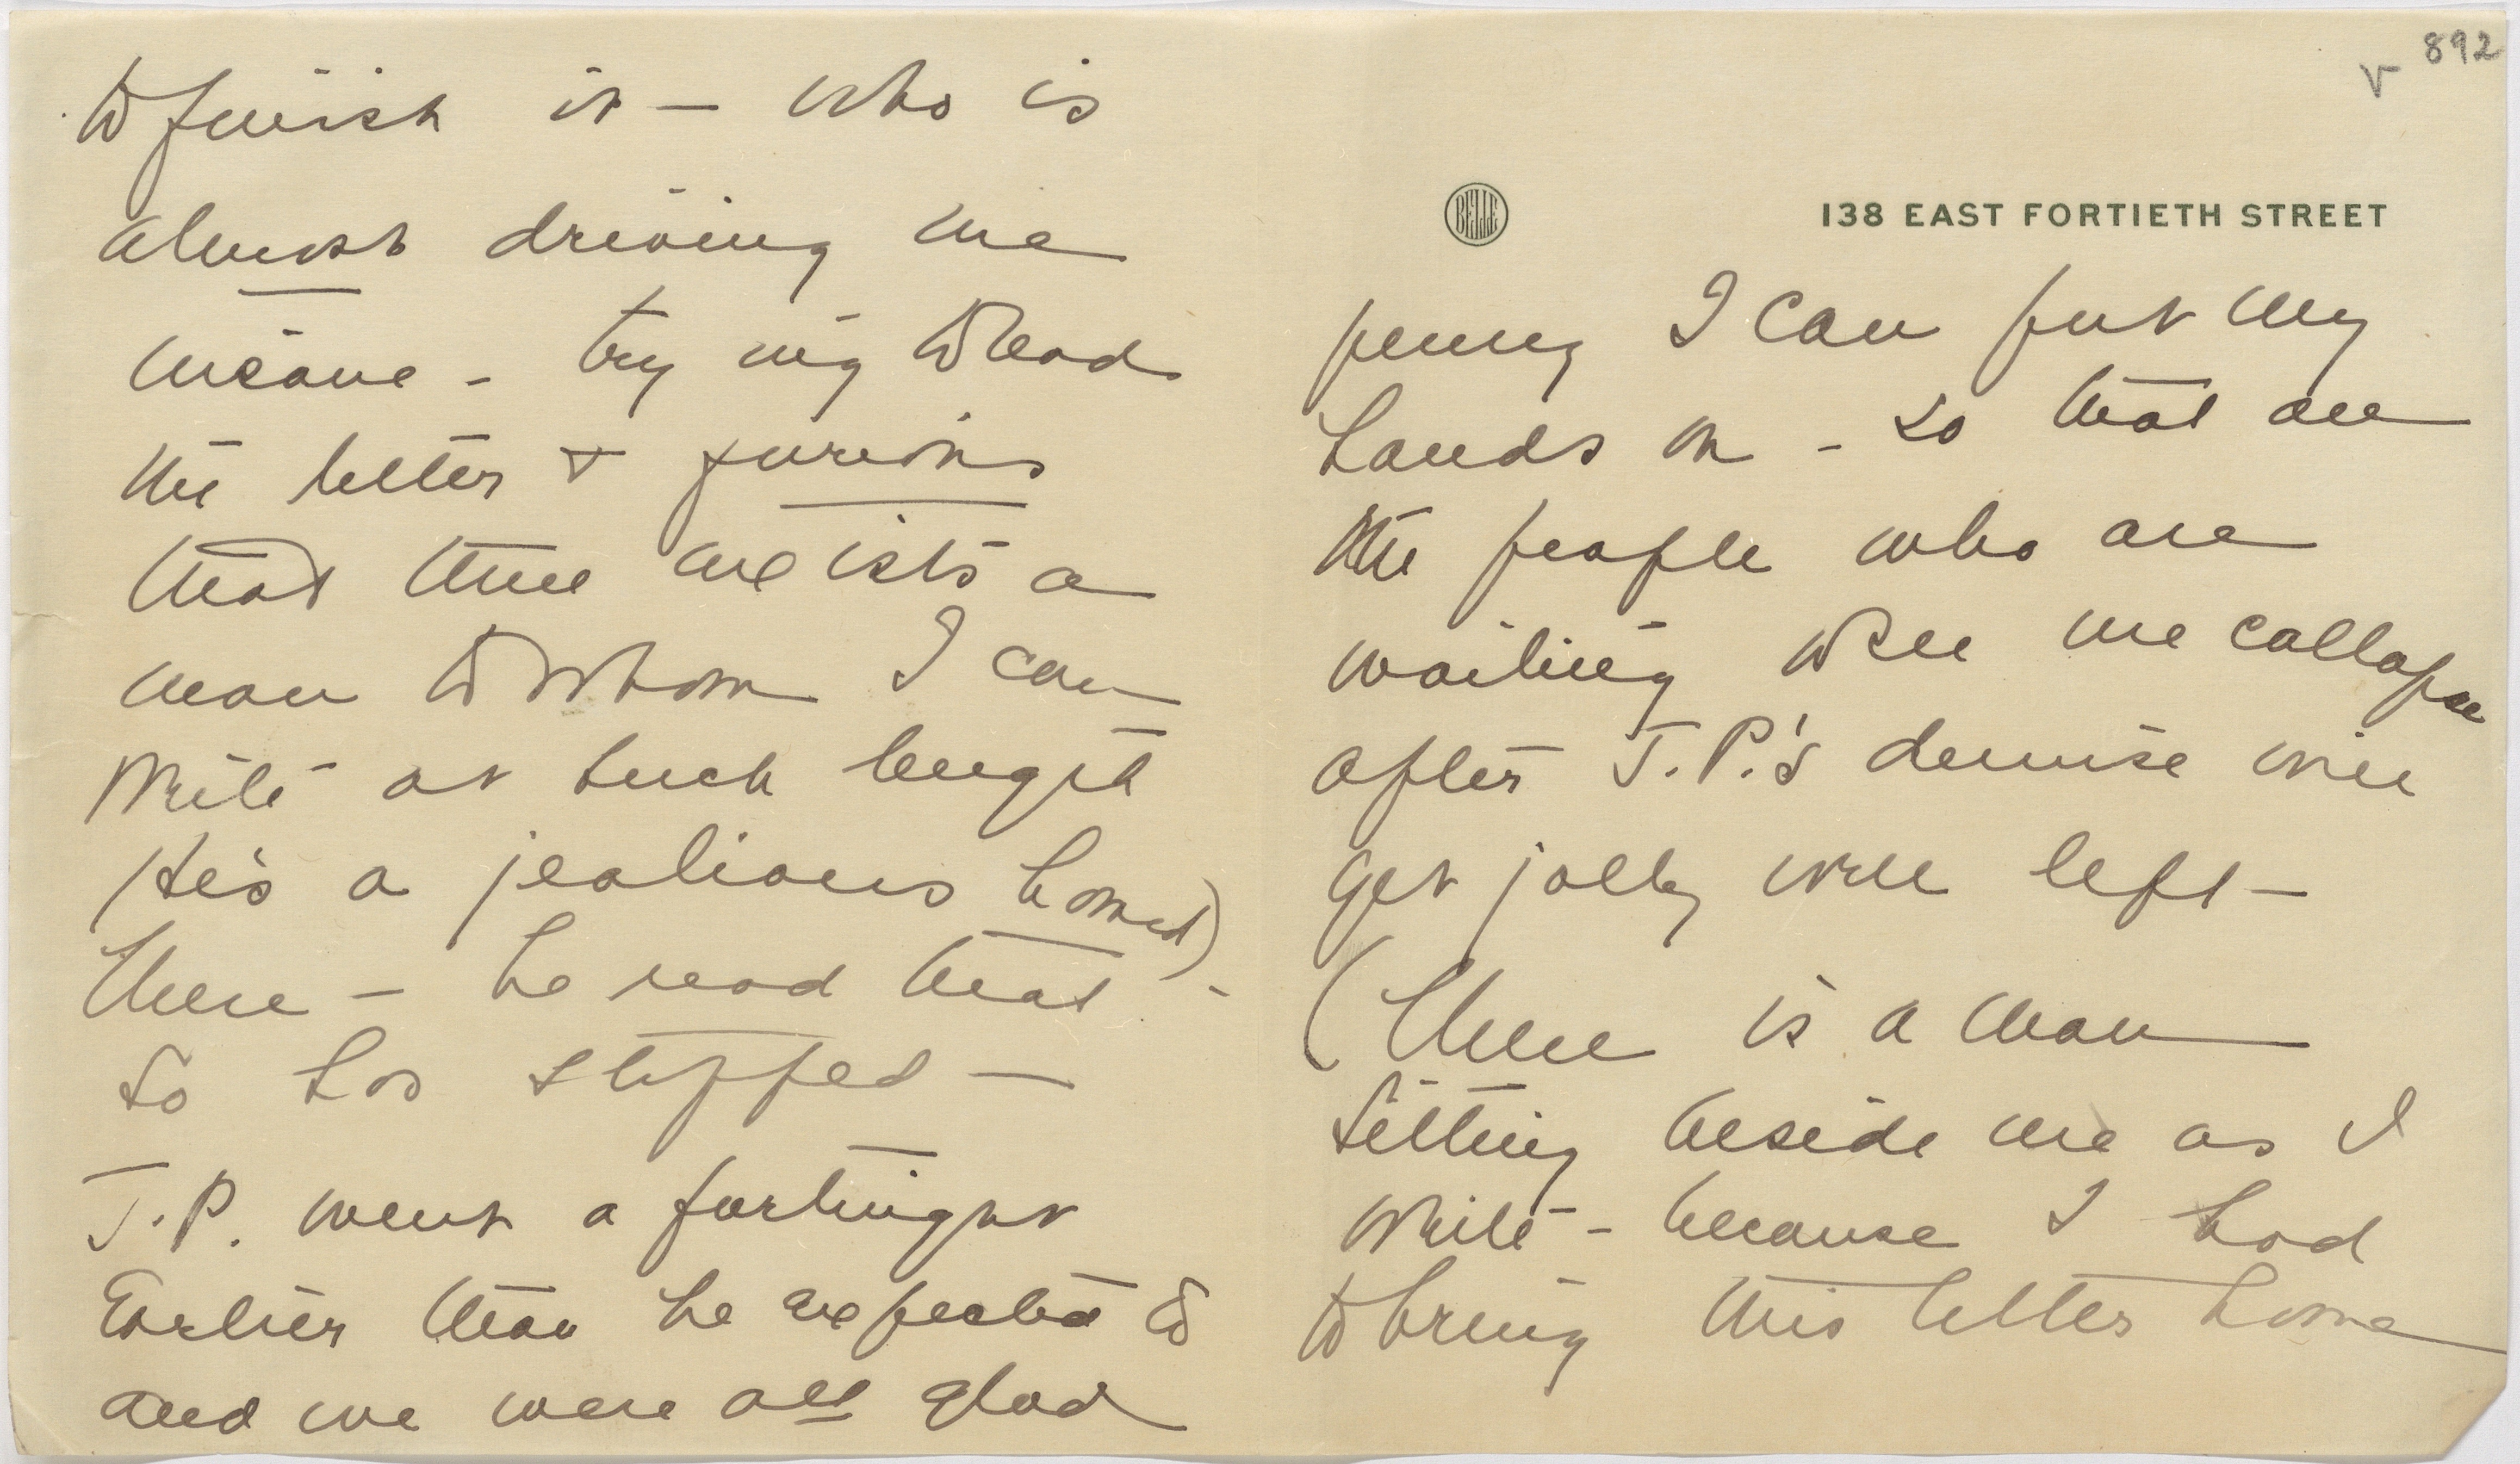penny I can put my hands on – so that all the people who are waiting to see me collapse after J. P.’s demise will get jolly well left – (There is a man sitting beside me as I write – because I had to bring this letter home
to finish it – who is almost driving me insane – trying to read the letter & furious that there exists a man to whom I can write at such length
He’s a jealous hound) – There –he read that so has stopped –
J. P. went a fortnight earlier than he expected to and we were all glad